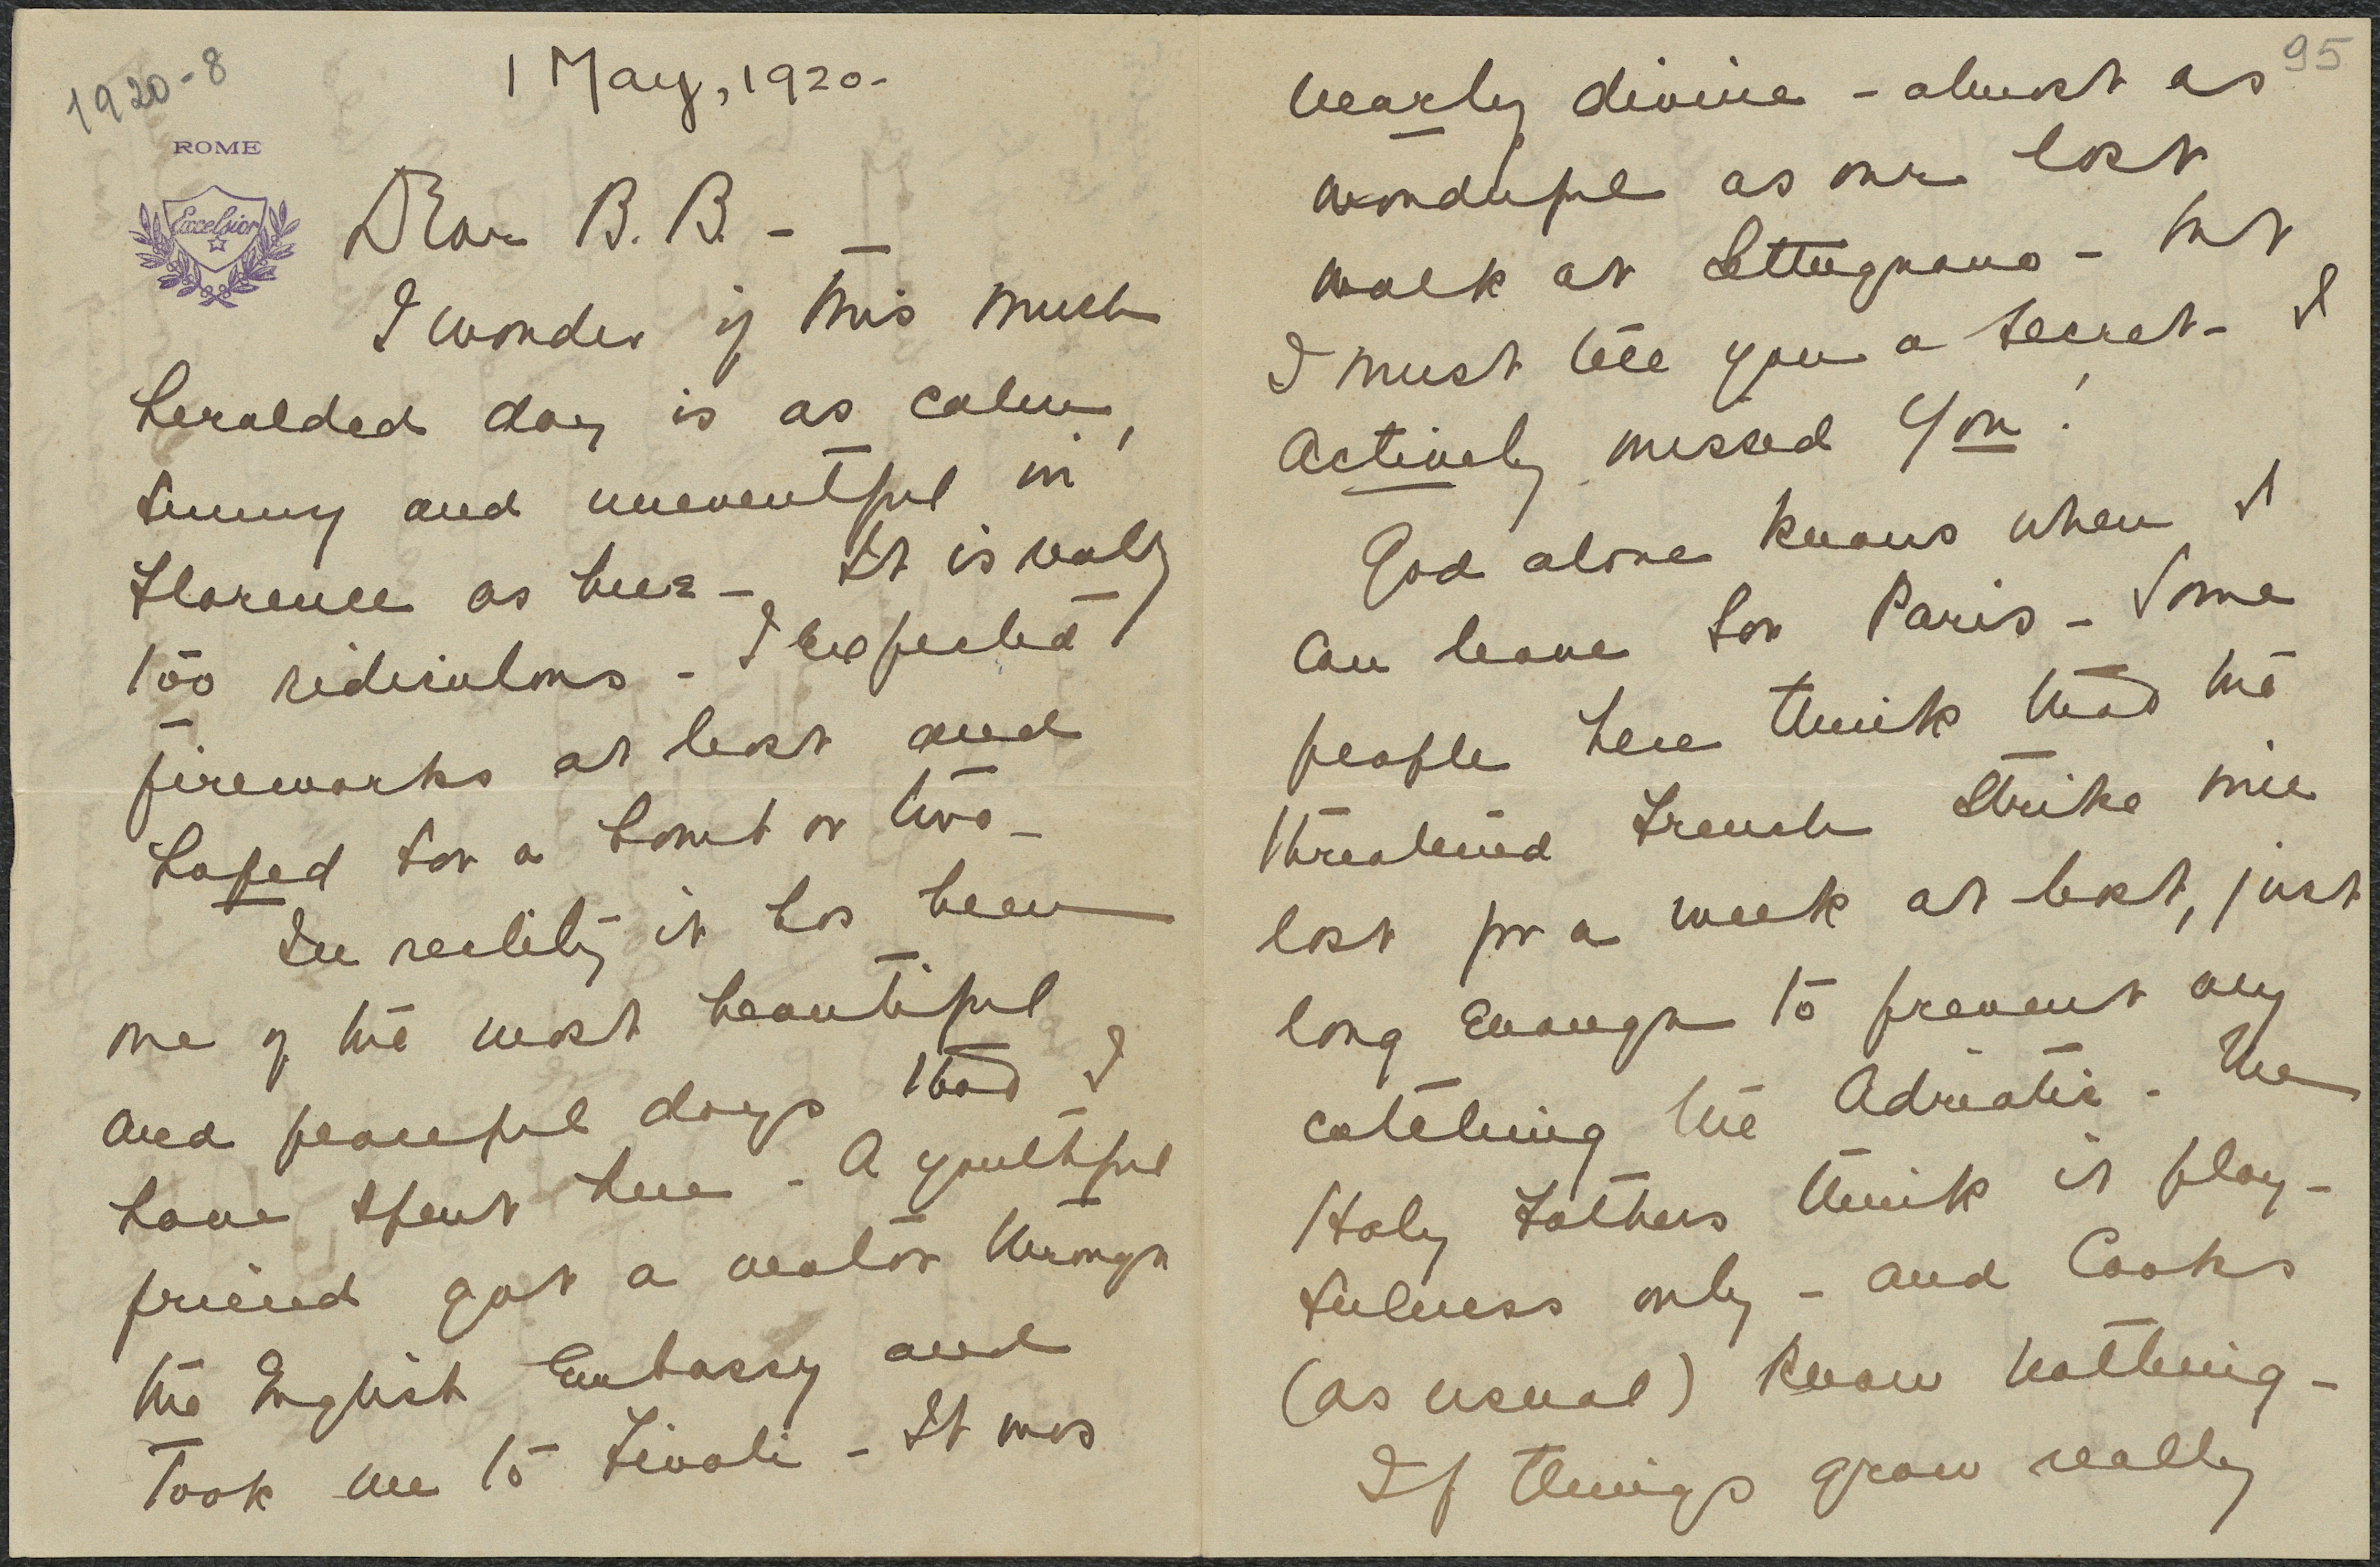1 May, 1920 –
Dear B.B –
I wonder if this much heralded day is as calm, sunny and uneventful in Florence as here – It is really too ridiculous – I expected fireworks at least and hoped for a bomb or two –
In reality it has been one of the most beautiful and peaceful days that I have spent here – a youthful friend got a motor through the English Embassy and took me to Tivoli – It was
nearly divine – almost as wonderful as our last walk at Settignano – but I must tell you a secret – I actively missed you!
God alone knows when I can leave for Paris – Some people here think that the threatened French strike will last for a week at least, just long enough to prevent my catching the Adriatic. The Holy Fathers think it playfulness only – and Cooks (as usual) know nothing –
If things grow really